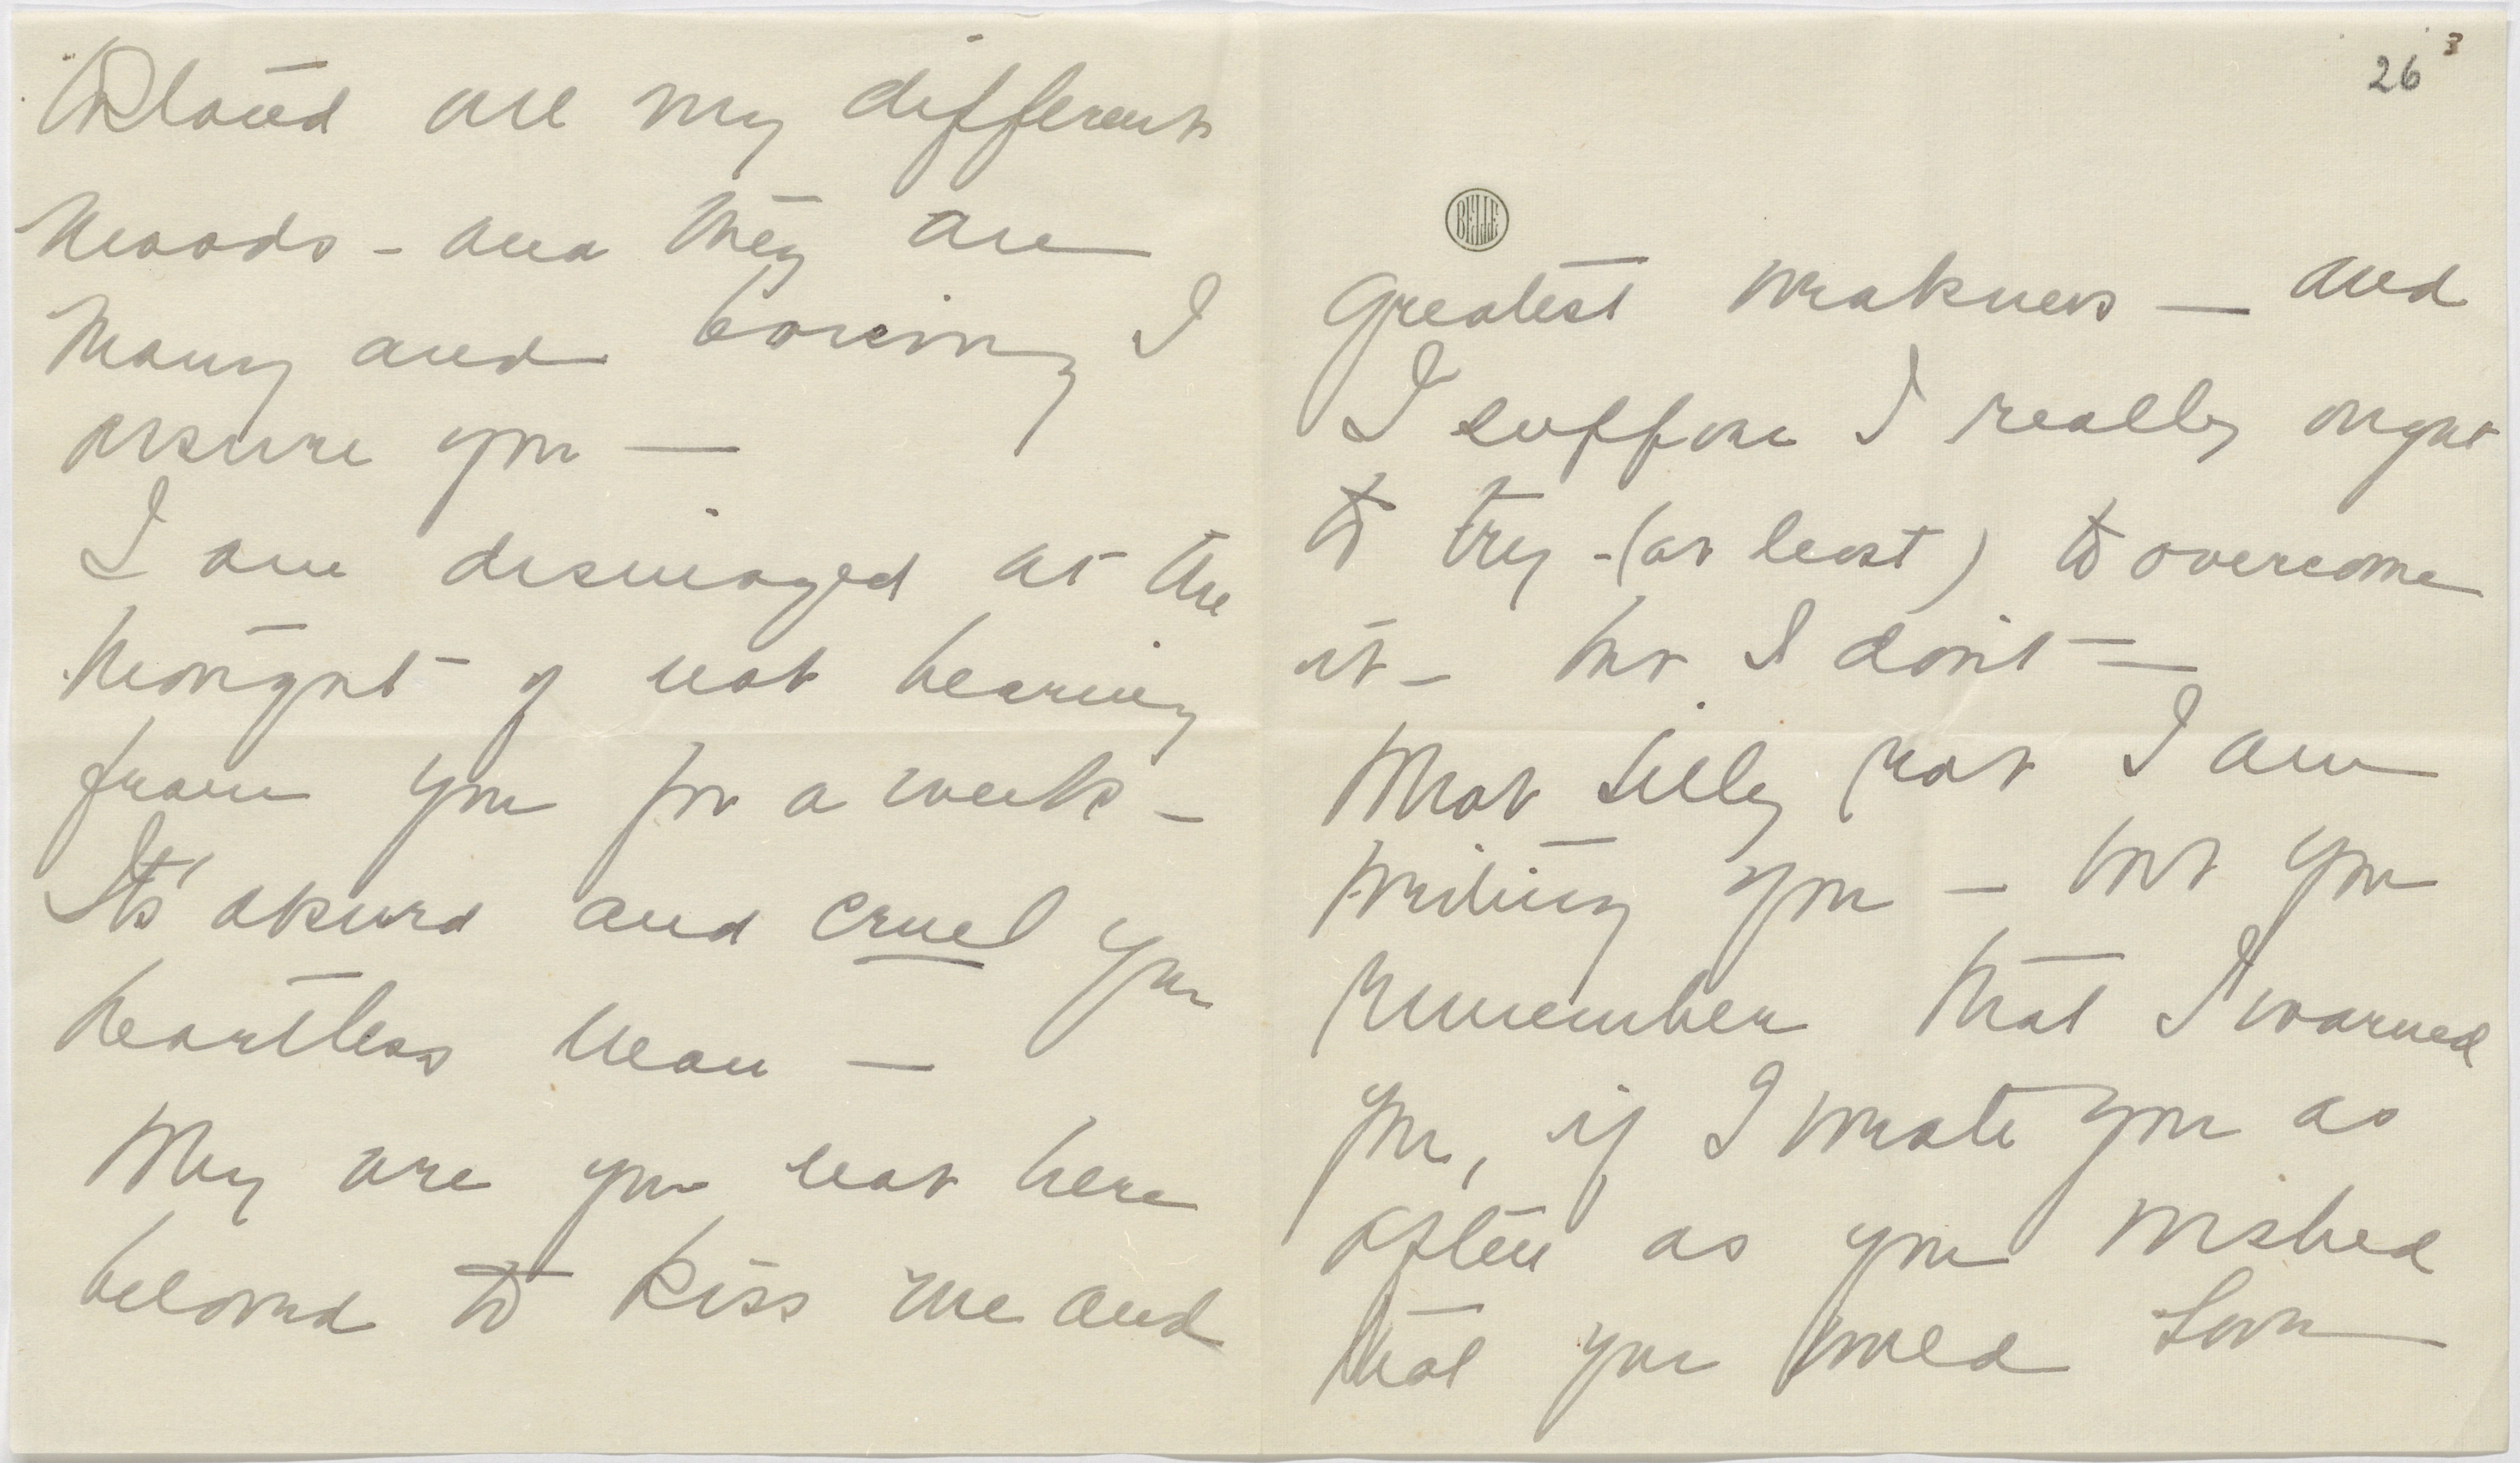greatest weakness – and I suppose I really ought to try – (at least) to overcome it – but I don’t –
What silly rot I am writing you – but you remember that I warned you, if I wrote you as often as you wished that you would have
to stand all my different moods – and they are many and boreing [sic] I assure you –
I am dismayed at the thought of not hearing from you for a week – It’s absurd and cruel you heartless man –
Why are you not here beloved to kiss me and